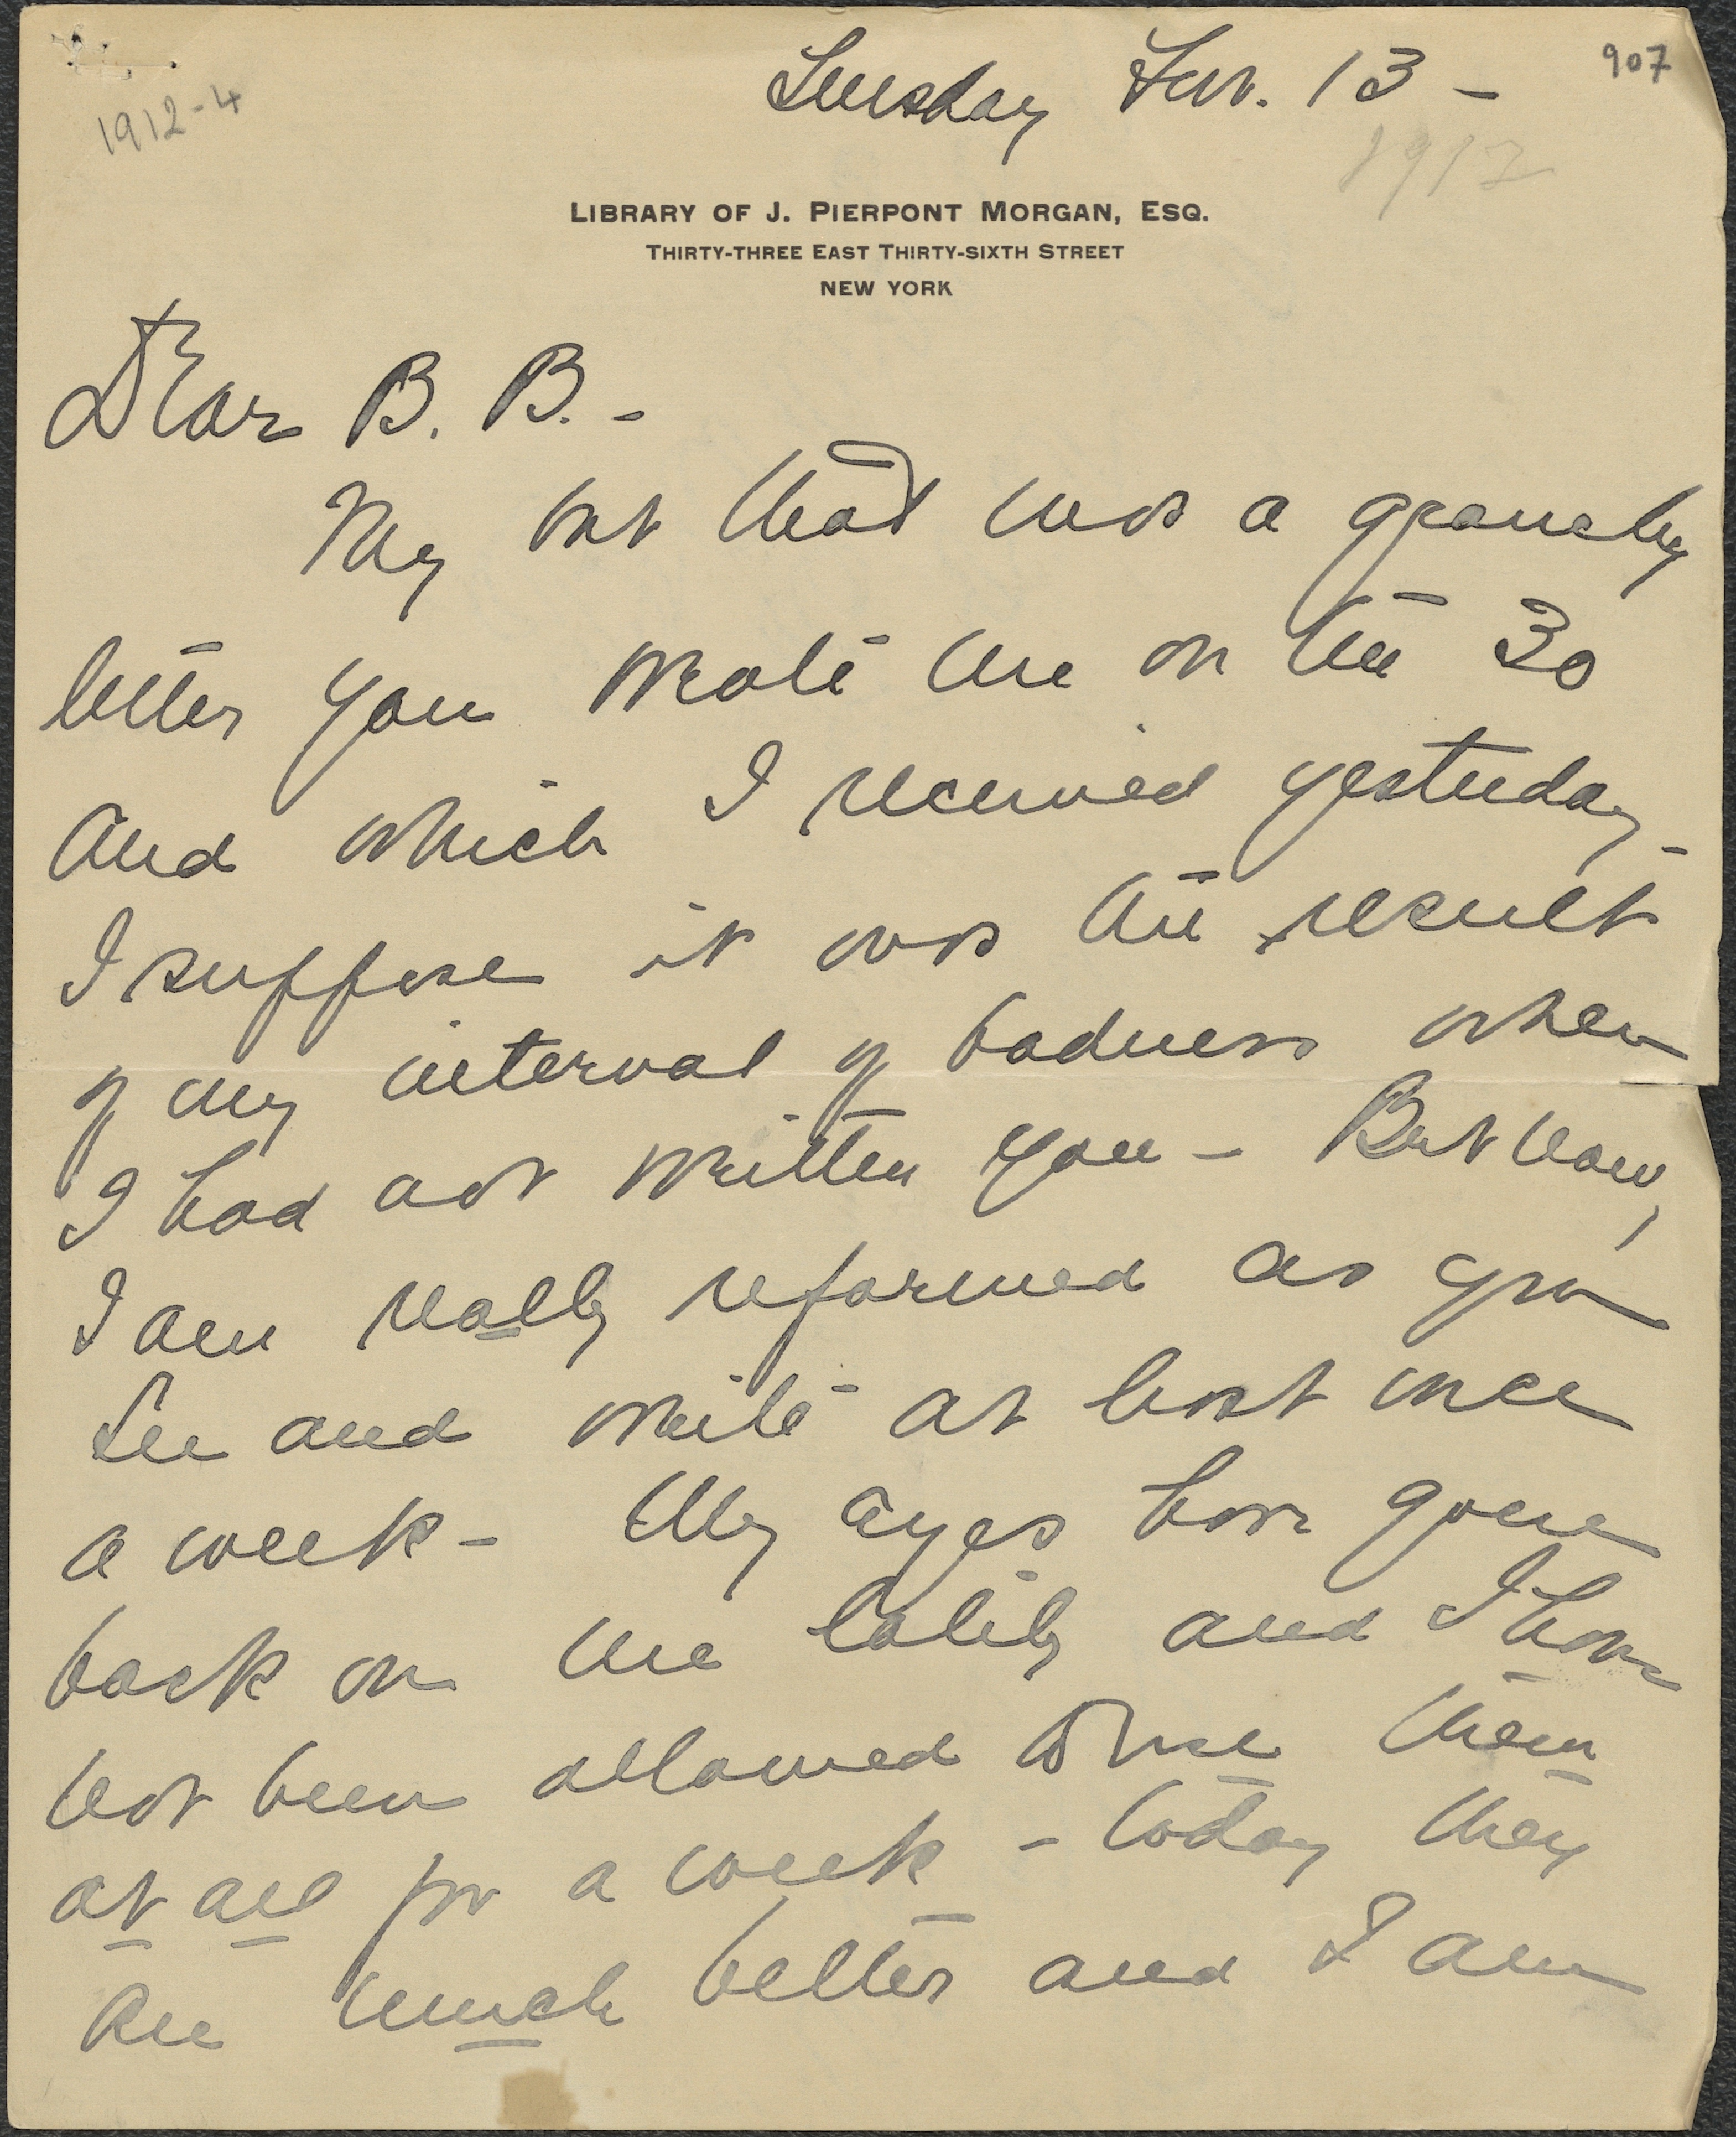Tuesday Feb. 13 –
Dear B.B. –
My but that was a grouchy letter you wrote me on the 30 and which I received yesterday – I suppose it was the result of my interval of badness when I had not written you – But now, I am really reformed as you see and write at least once a week – My eyes have gone back on me lately and I have not been allowed to use them at all for a week – today they are much better and I am